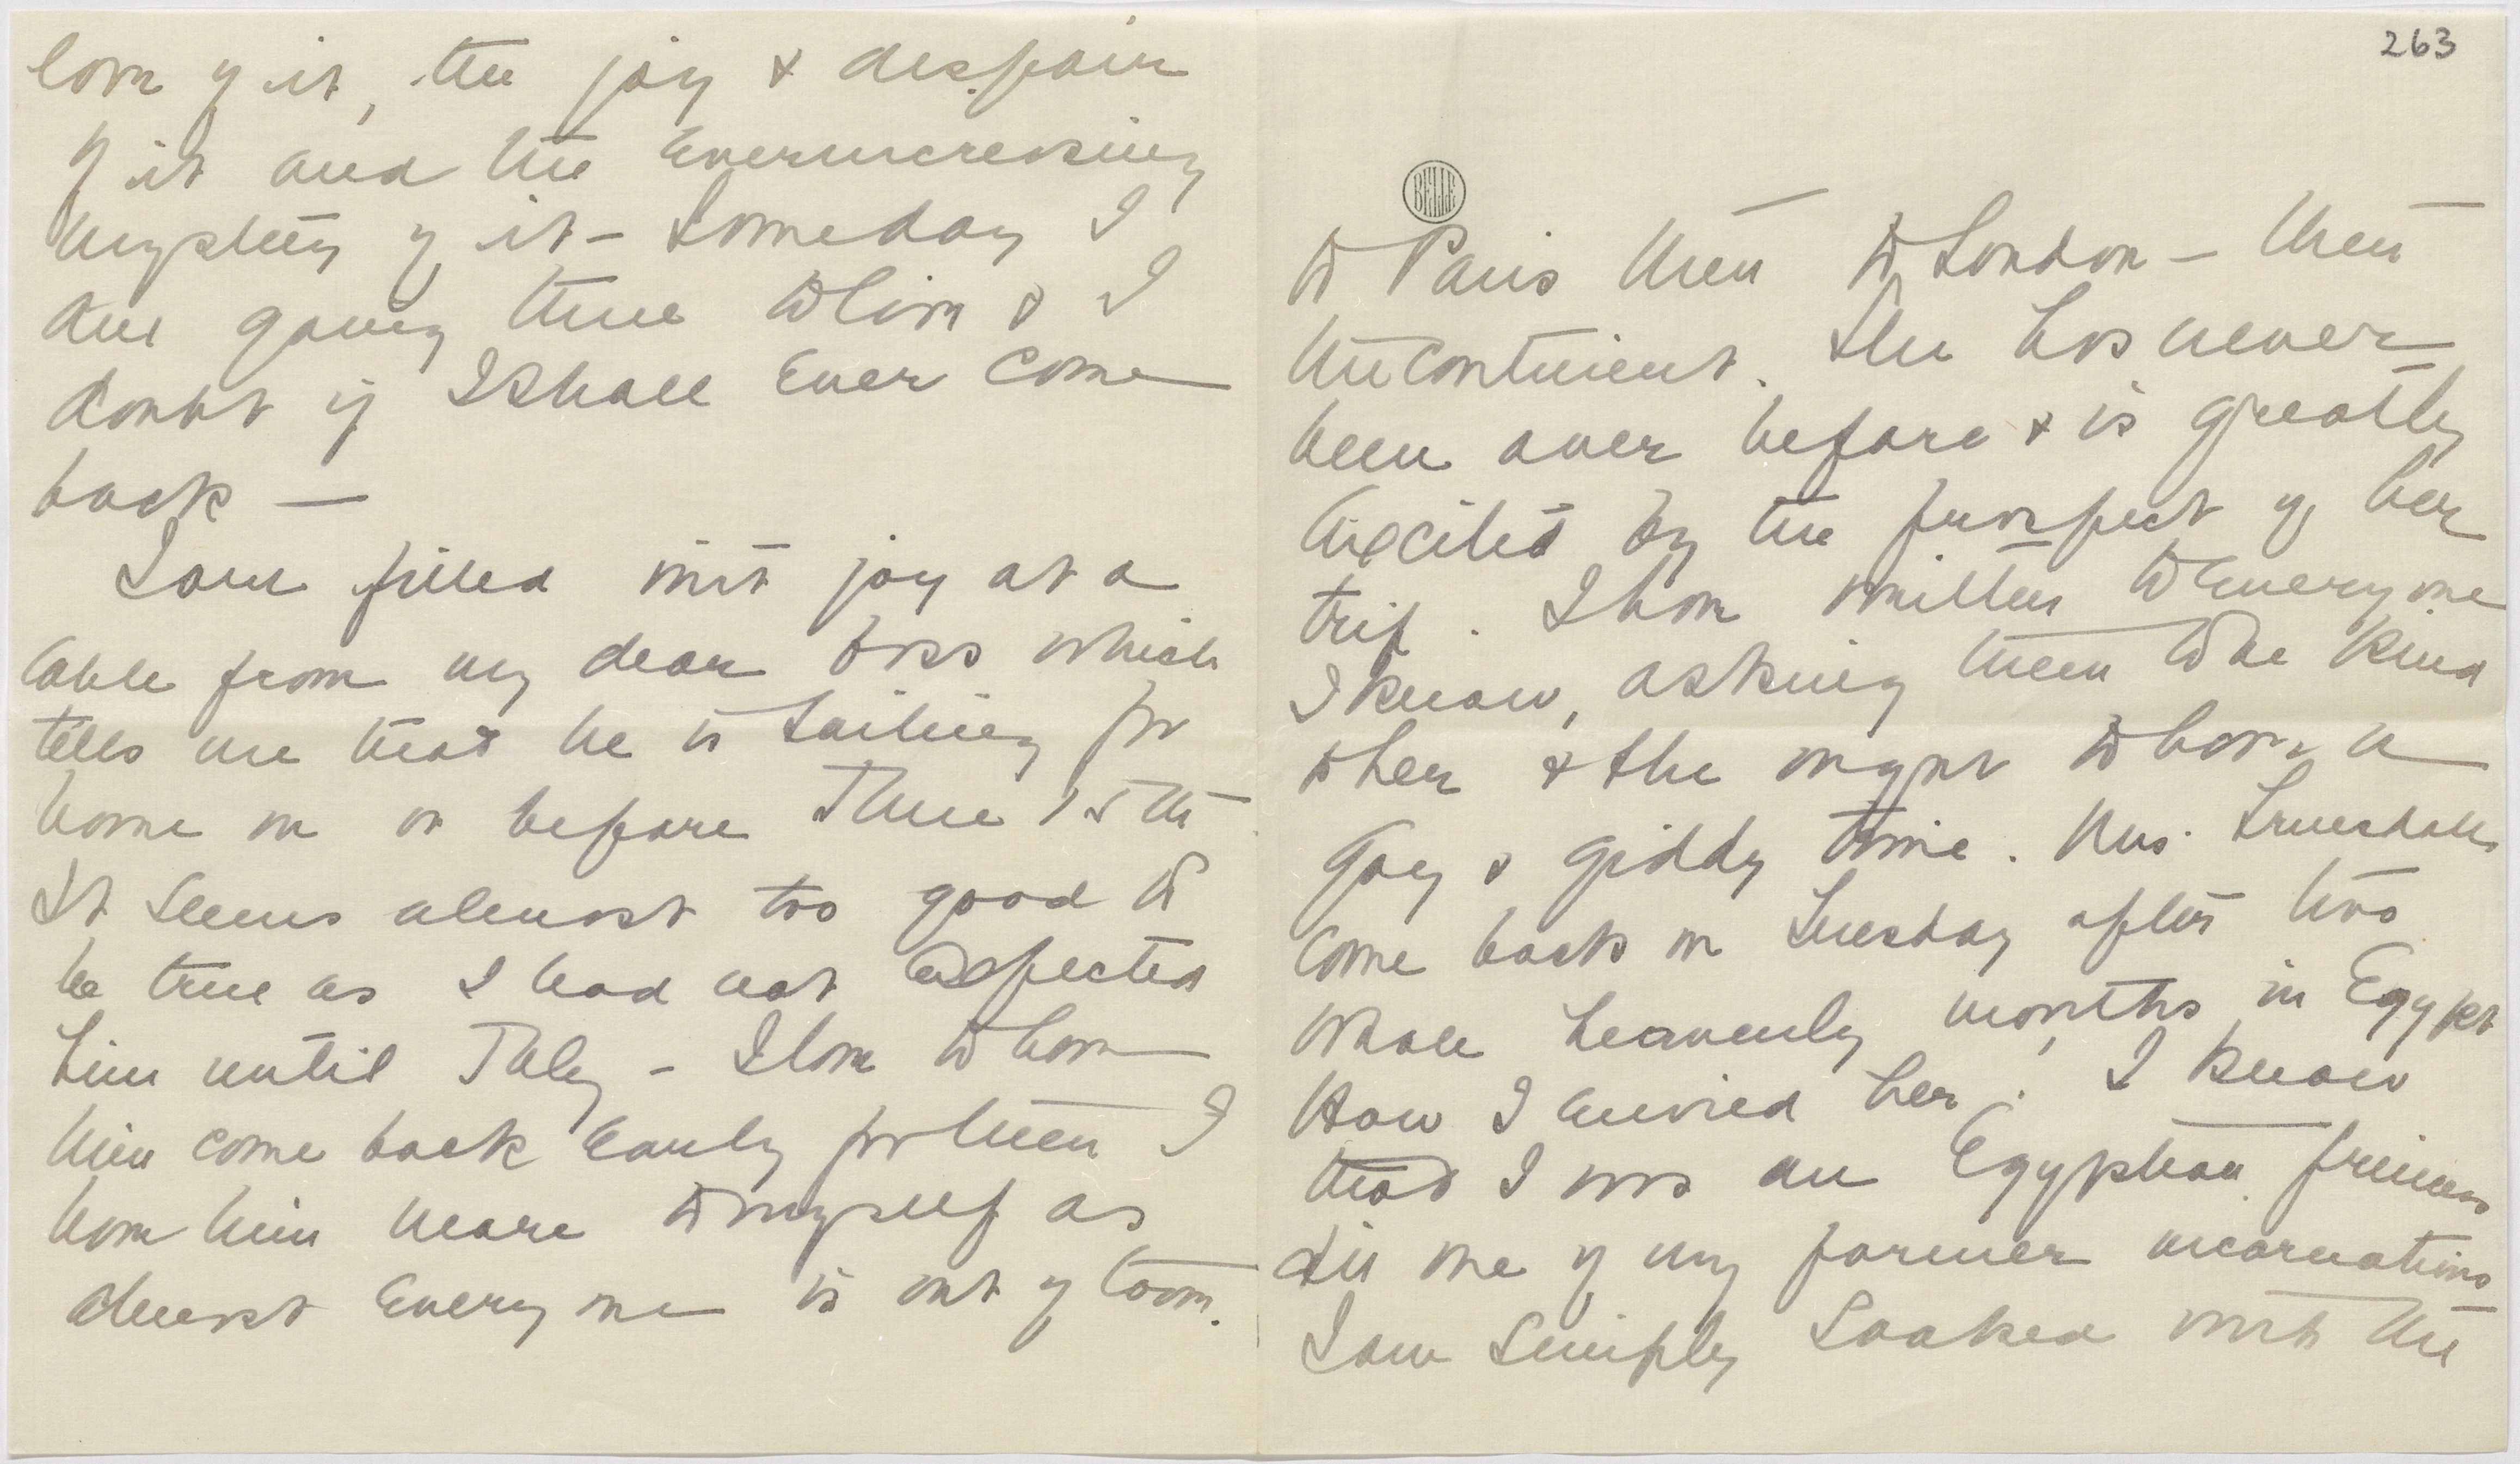to Paris then to London – then the continent. She has never been over before & is greatly excited by the prospect of her trip. I have written to every one I know, asking them to be kind to her & she ought to have a gay & giddy time. Mrs. Truesdale came back on Tuesday after two whole heavenly months in Egypt How I envied her! I know that I was an Egyptian princess in one of my former incarnations
I am simply soaked with the
love of it, the joy & despair of it and the everincreasing mystery of it – Someday I am going there to live & I doubt if I shall ever come back –
I am filled with joy at a cable from my dear boss which tells me that he is sailing for home on or before June 15th
It seems almost too good to be true as I had not expected him until July – I love to have him come back early for then I have him more to myself as almost every one is out of town.